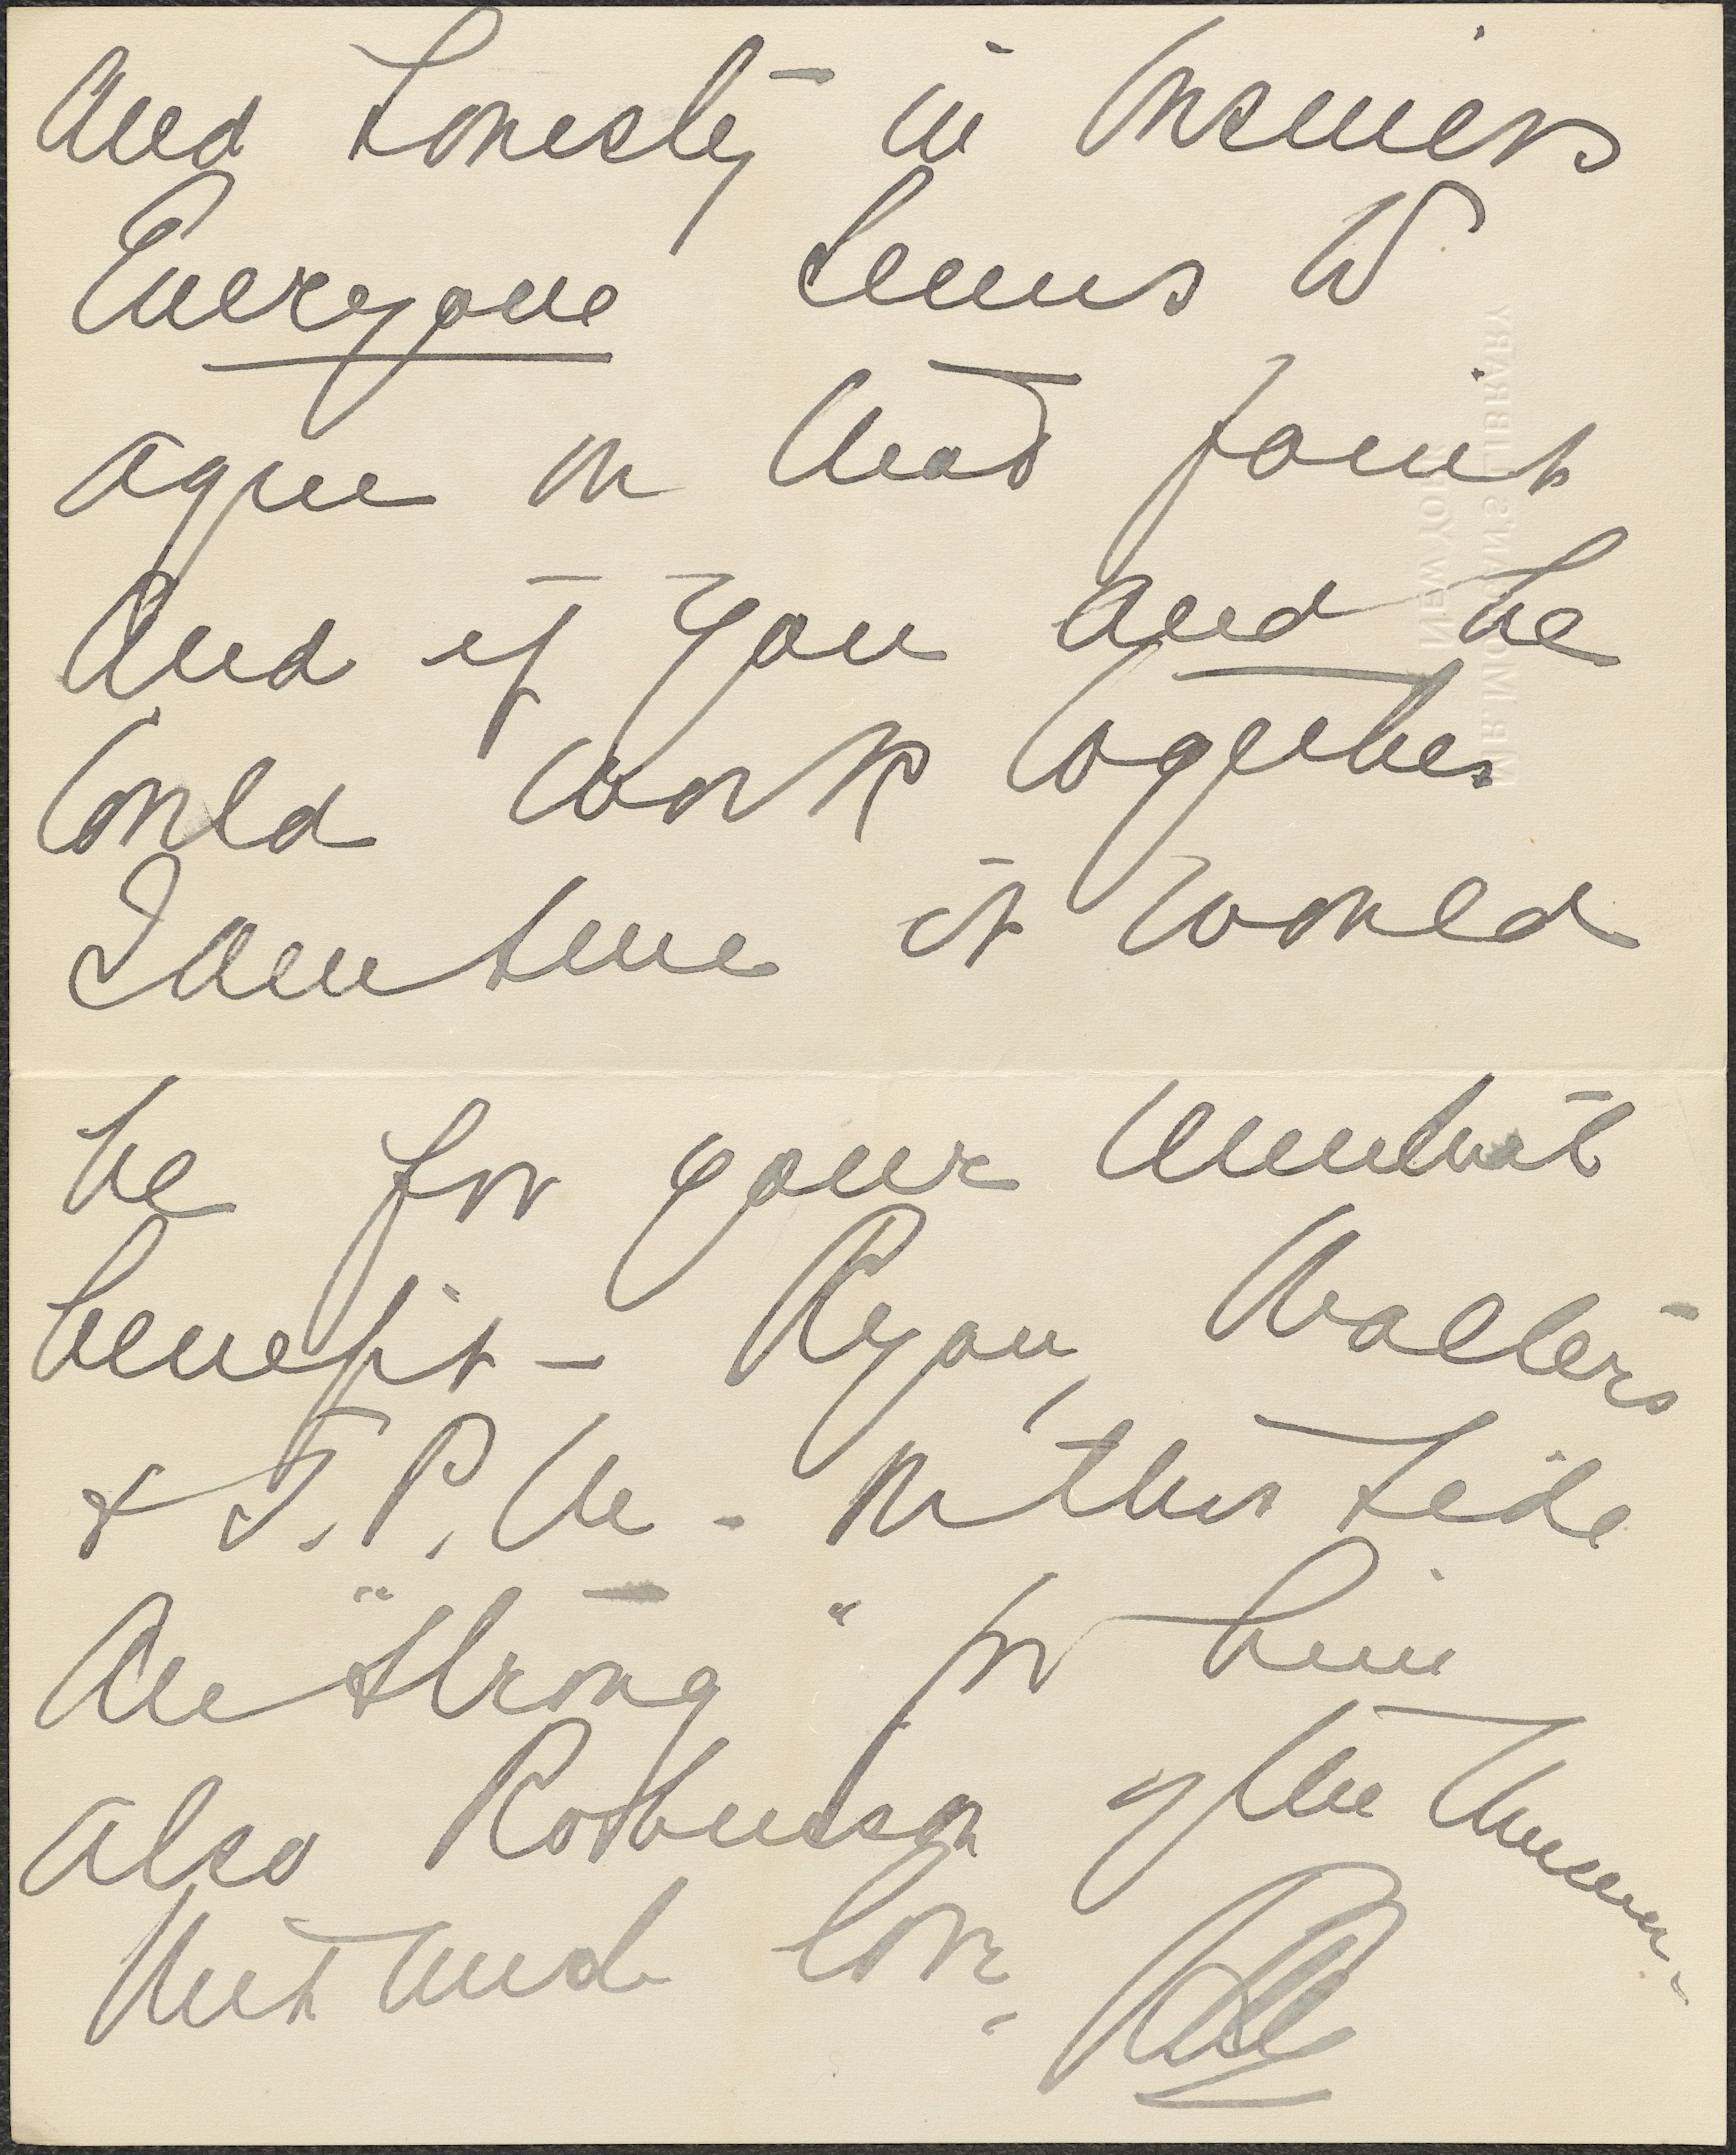and honesty in business everyone seems to agree on that point and if you and he could work together I am sure it would be for your mutual benefit – Ryan Walters & J. P. M. on this side are “strong” for him also Robinson of the Museum.
With much love, Belle